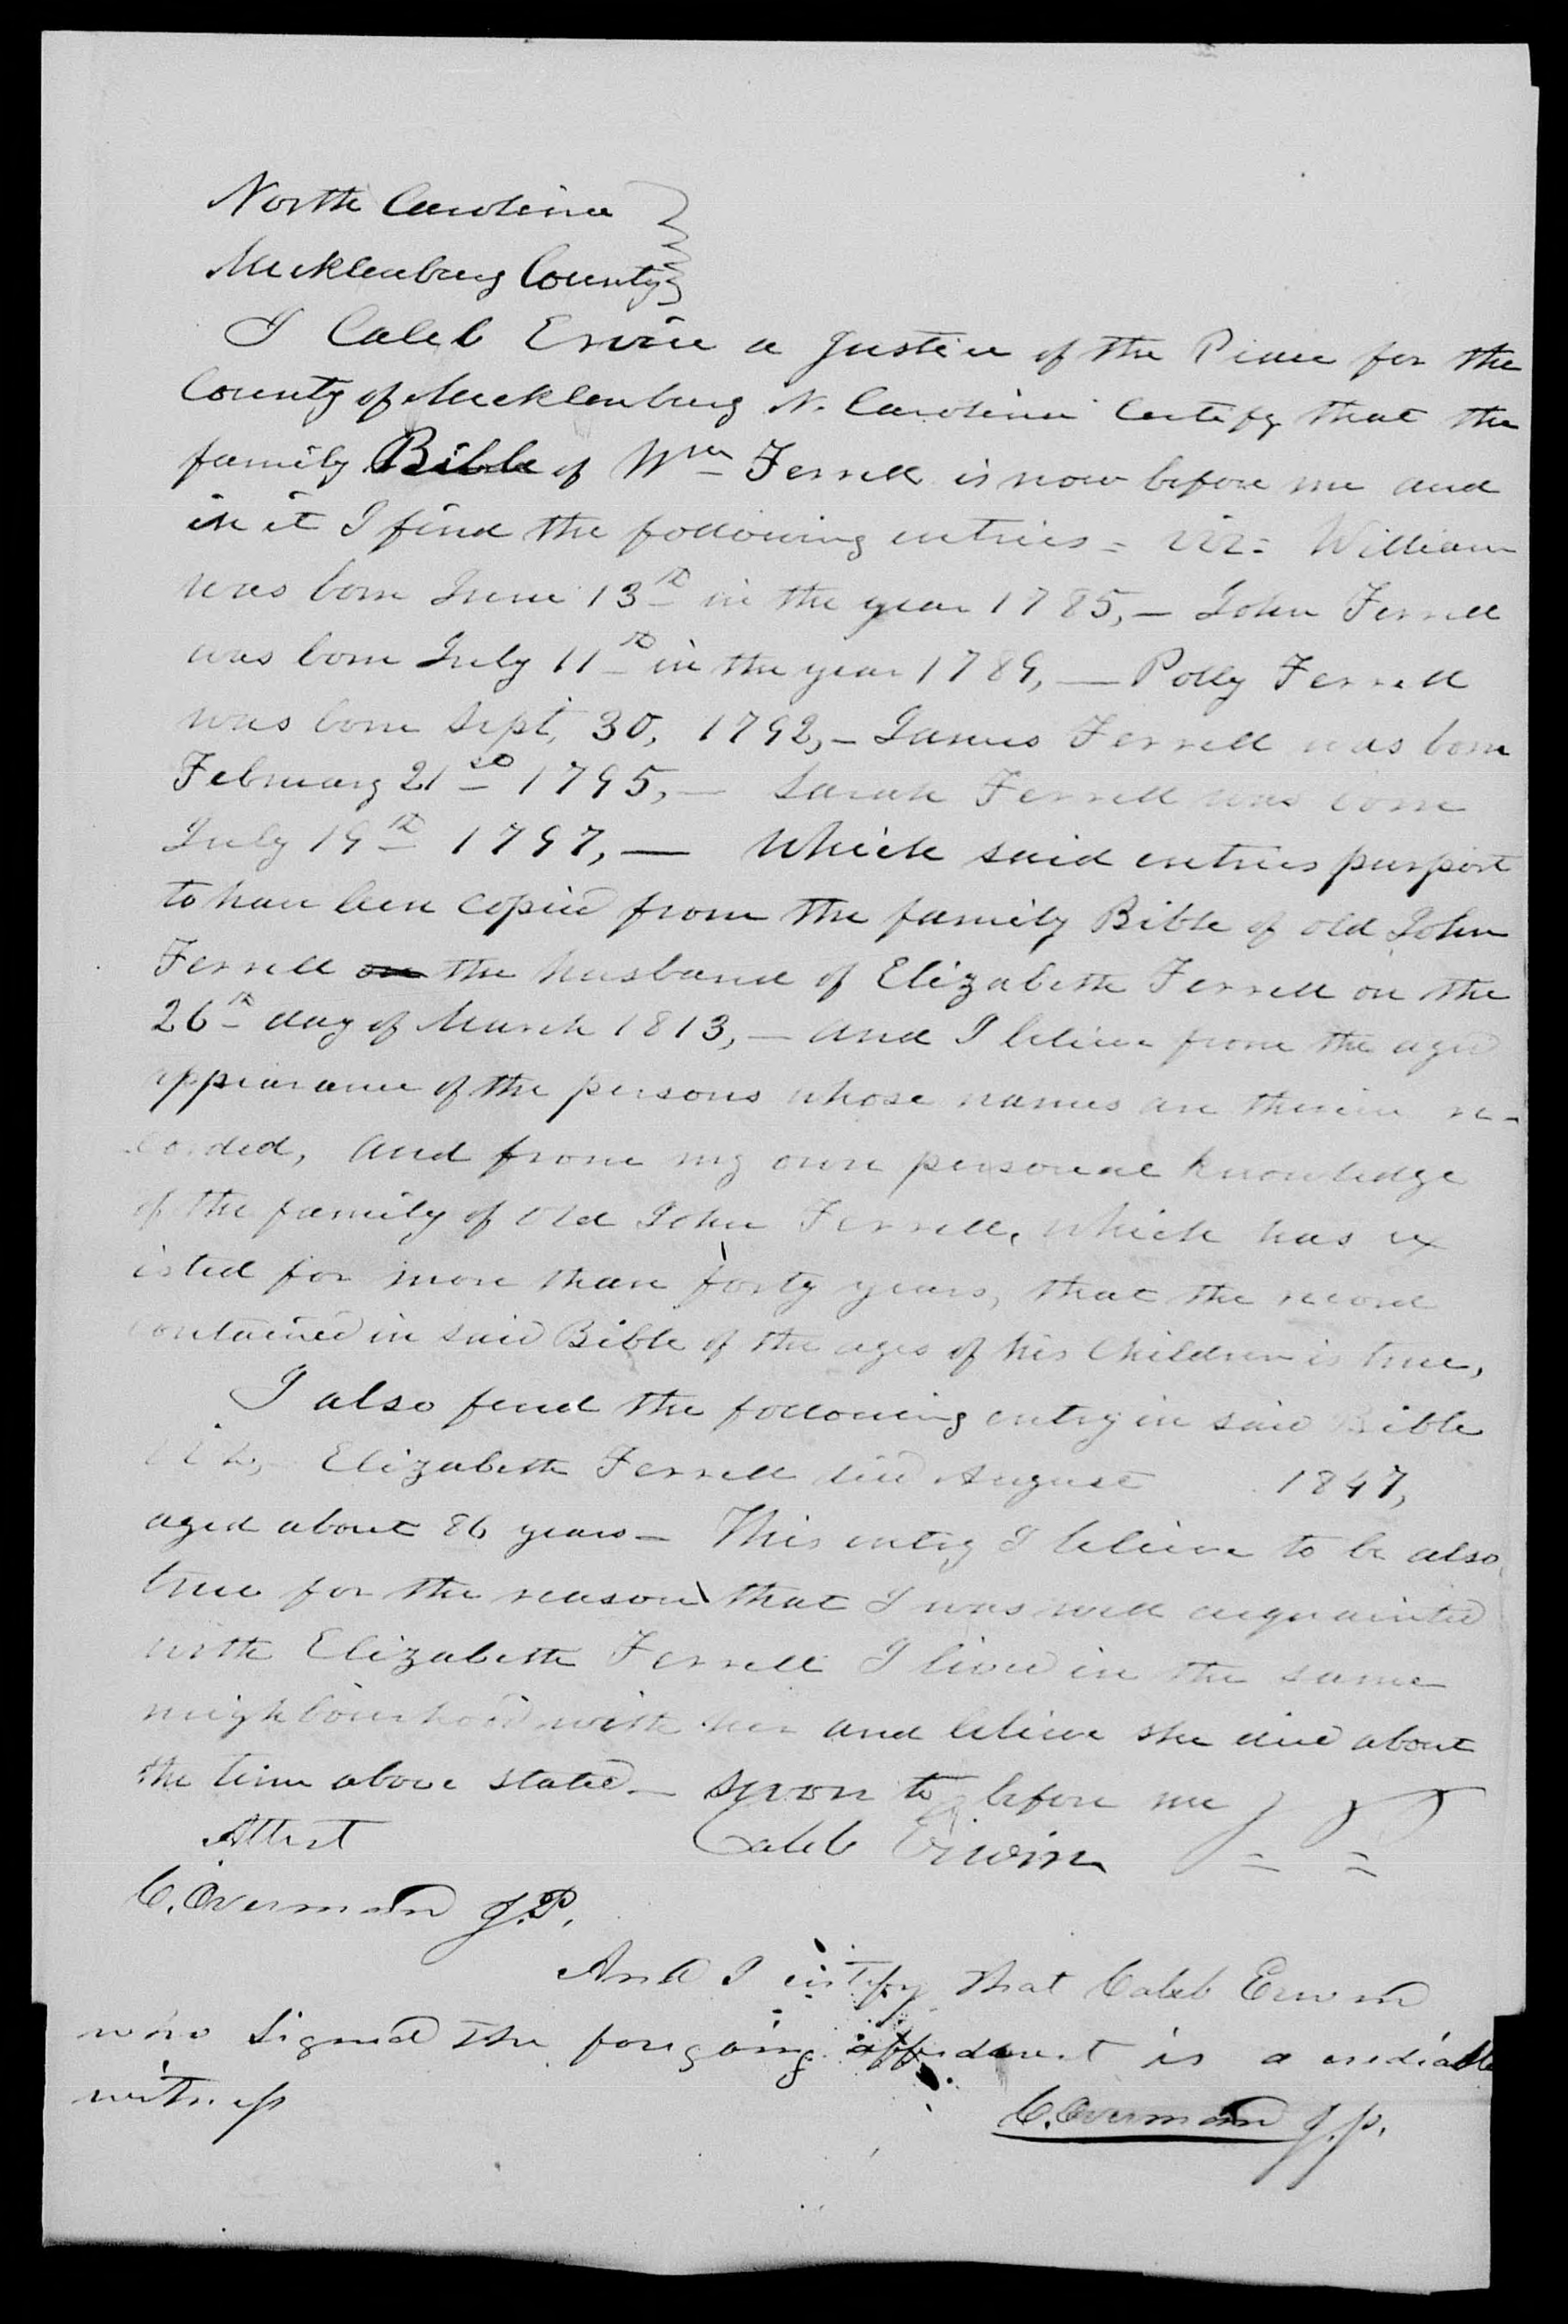North Carolina
Muckenburg County
I Caleb Erwin a Justice of the Peace for the County of Meckenburg N. Carolina certify that the family Bible of William Ferrell is now before me and in it I find the following entries William was born June 13th in the year 1785 John Ferrell was born July 11th in the year 1789 Polly Ferrell was born Sept. 30, 1792 James Ferrell was born February 21st, 1795 Sarah Ferrell was born July 19th 1797 Which said entries purport to have Ben copied from the family Bible of old John Ferrell the husband of Elizabeth Ferrell on the 26th day of March 1813 and I believe from the age appearance of the persons whose names are herein recorded, and from my own personal knowledge of the family of old John Ferrell, which has :illegible: for more than forty years, that the record contained in said Bible of the ages of his Children is true, 
I also find the following entry in said Bible Elizabeth Ferrell Edie August 1847, aged about 86 years This entry I believe to be also true for the reason that I was well acquainted with Elizabeth Ferrell I lived in the same neighborhood with her and believe she died about the time above stated. Sworn to before me
Caleb Erwin JP
Attest DeArmon JP
And I testify that Caleb Erwin who signed the foregoing affidavit is a :illegible: :illegible:
DeArmon JP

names: C Overman, William, Sarah Ferrell, Elizabeth Ferrell, Elizabeth Ferrell, John Ferrell, Wm Ferrell, C Overman, Caleb Ervin, John Ferrell, Caleb Erwin, Caleb Erwin, Elizabeth Ferrell, John Ferrell, Polly Ferrell, James Ferrell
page: 16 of 52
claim: rejected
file: R. 3,512, John Ferrell, N.C.